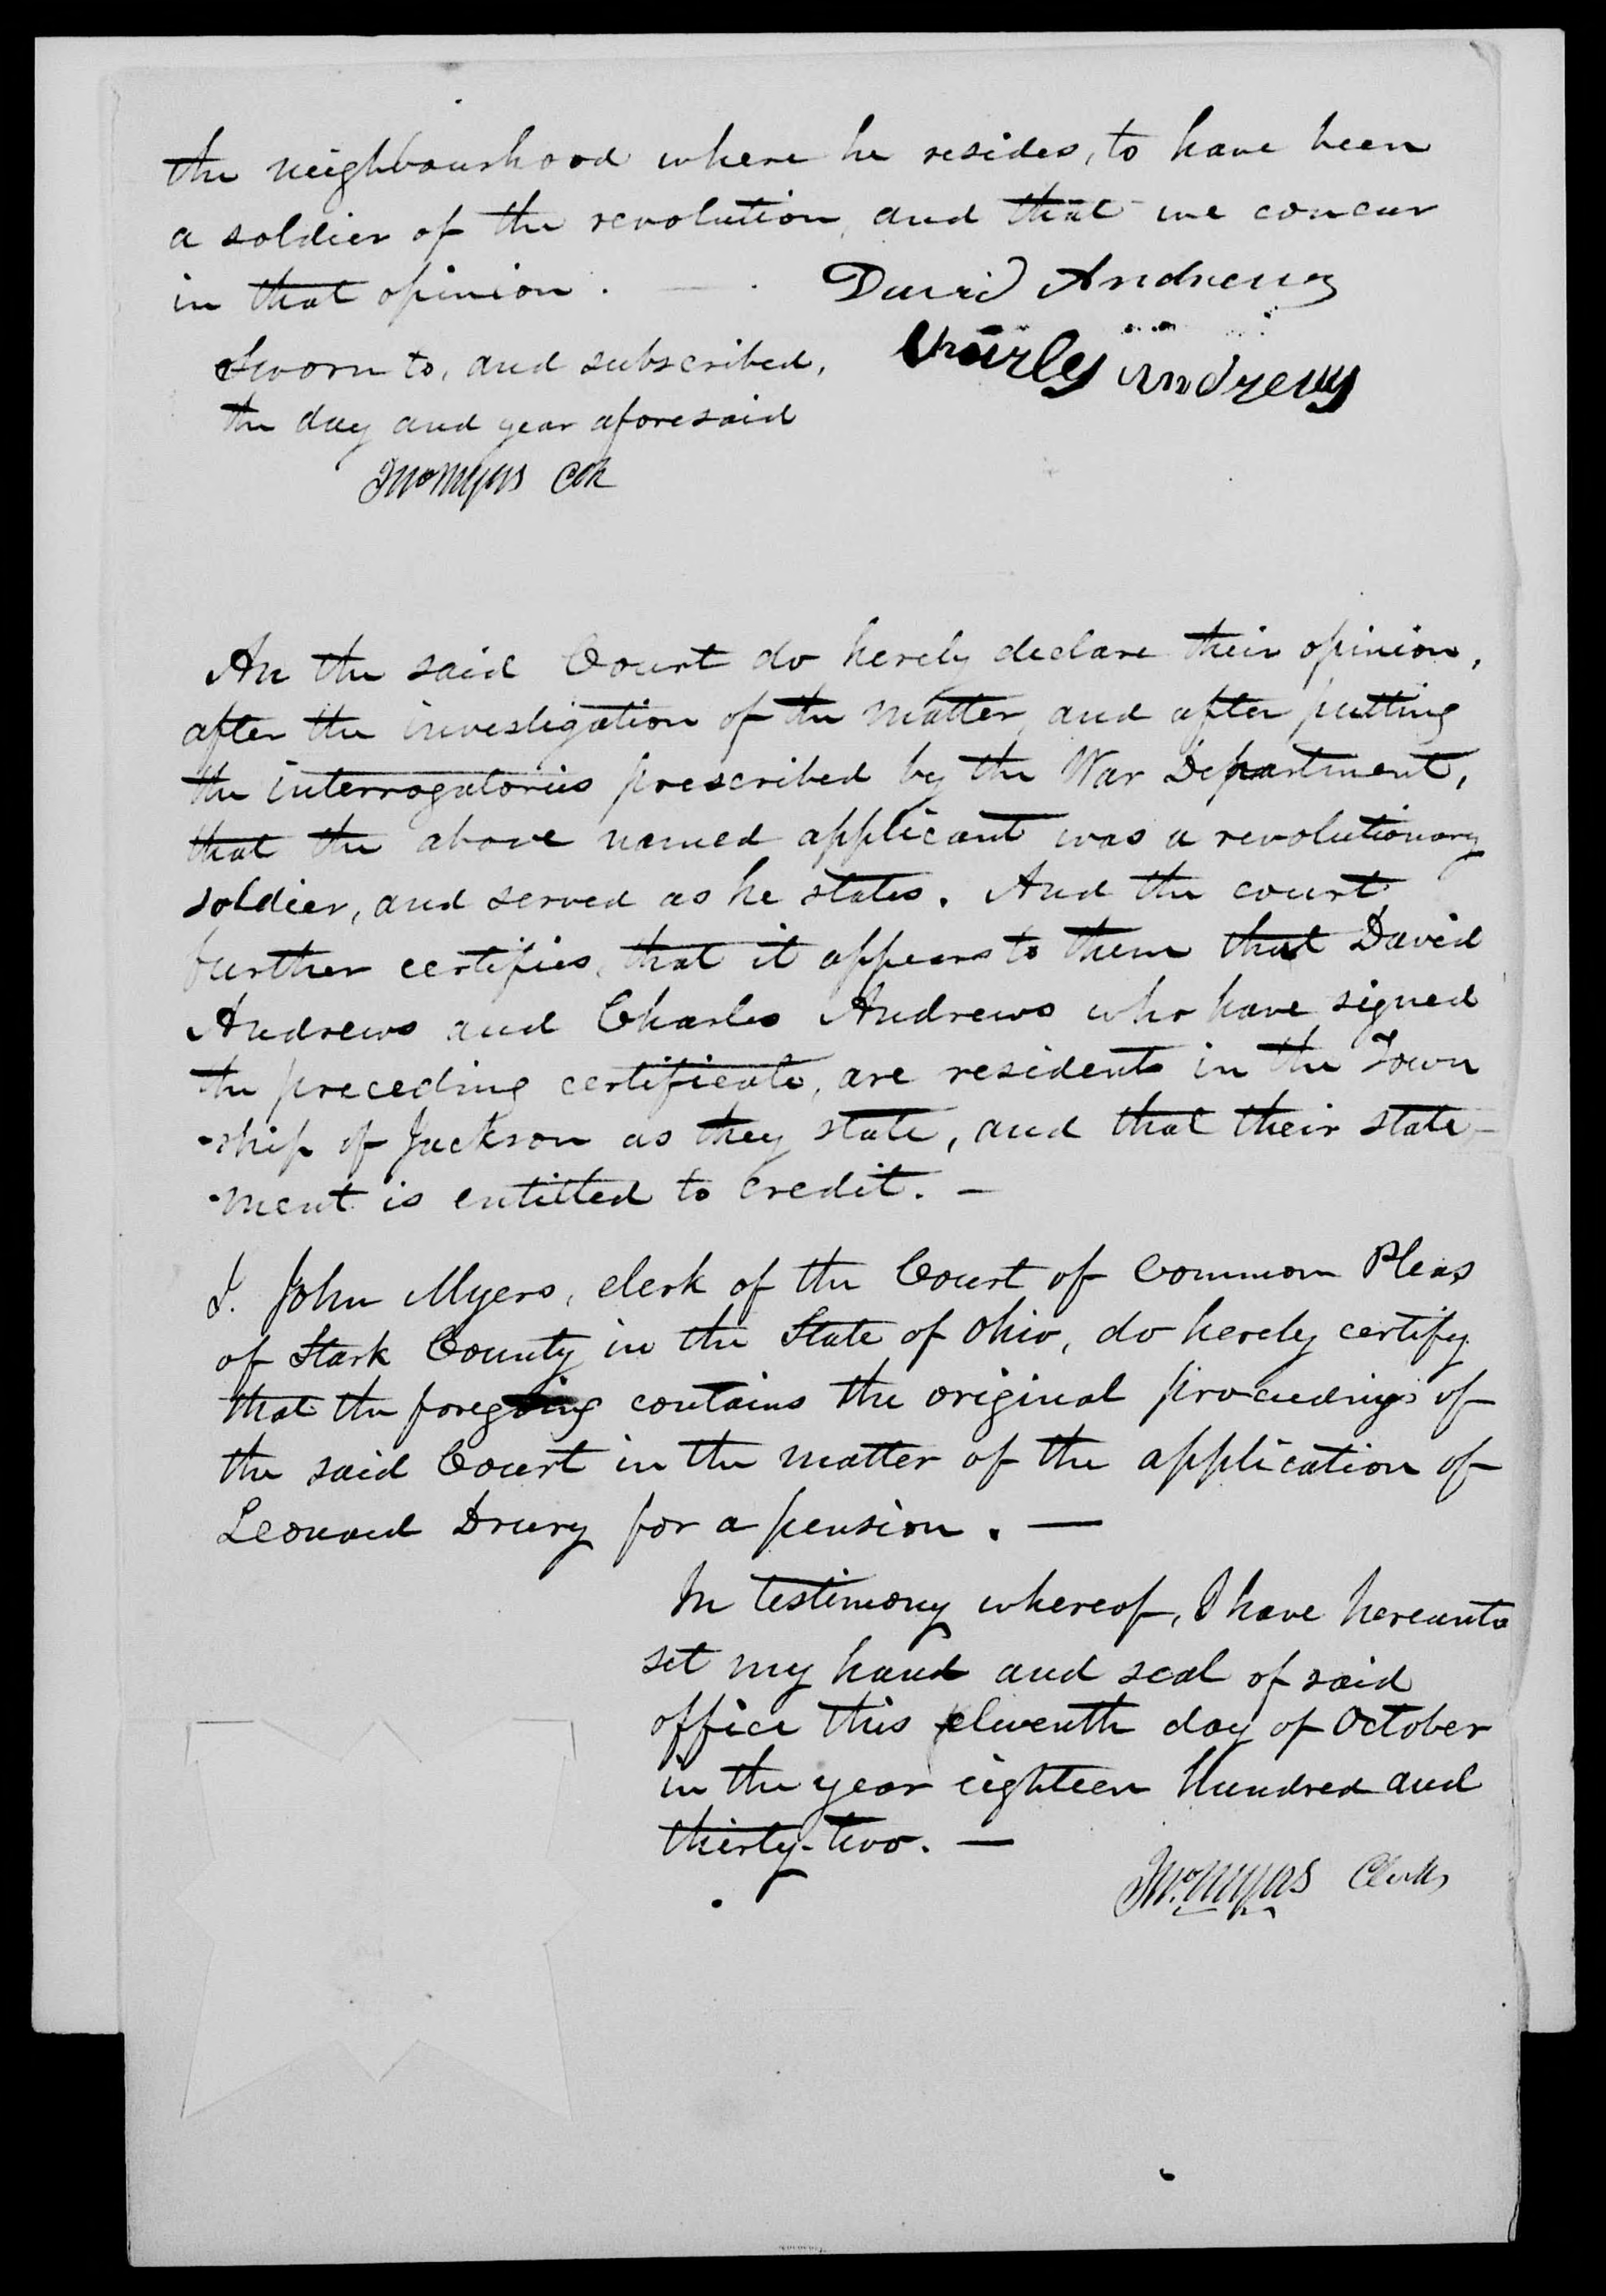the neighbourhood where he resides, to have been
a soldier of the revolution and that we concur
in that opinion
David Andrews
Charles Andrews
Sworn to, and subscribed,
this day and year afore said
Jno Myers Clk

An the said Court do hereby declare their opinion,
after the investigation of the matter and after putting 
the interrogatories prescribed by the War Department,
that the above named applicant was a revolutionary
soldier, and served as he states.  And the court
further certifies that it appears to them that David Andrews and Charles Andrews who have signed
the preceding certificate, are residents in the Township
of Jackson as they state, and that their statement
is entitled to credit. -

I, John Myers, clerk of the Court of Common Pleas
of Stark County in the State of Ohio, do hereby certify
that the foregoing contains the original proceedings of
the said Court in the matter of the application of
Leonard Drury for a pension. -

In testimony whereof, I have hereunto
set my hand and seal of said
office this eleventh day of October
in the year eighteen hundred and
thirty-two. - 
Jno Myers Clerk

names: David Andrews, Charles Andrews, Leonard Drury, Charles Andrews, John Myers, David Andrews, Jno Myers, Jno Myers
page: 8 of 9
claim: survivor's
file: S. 2183, Leonard Drury, Md.